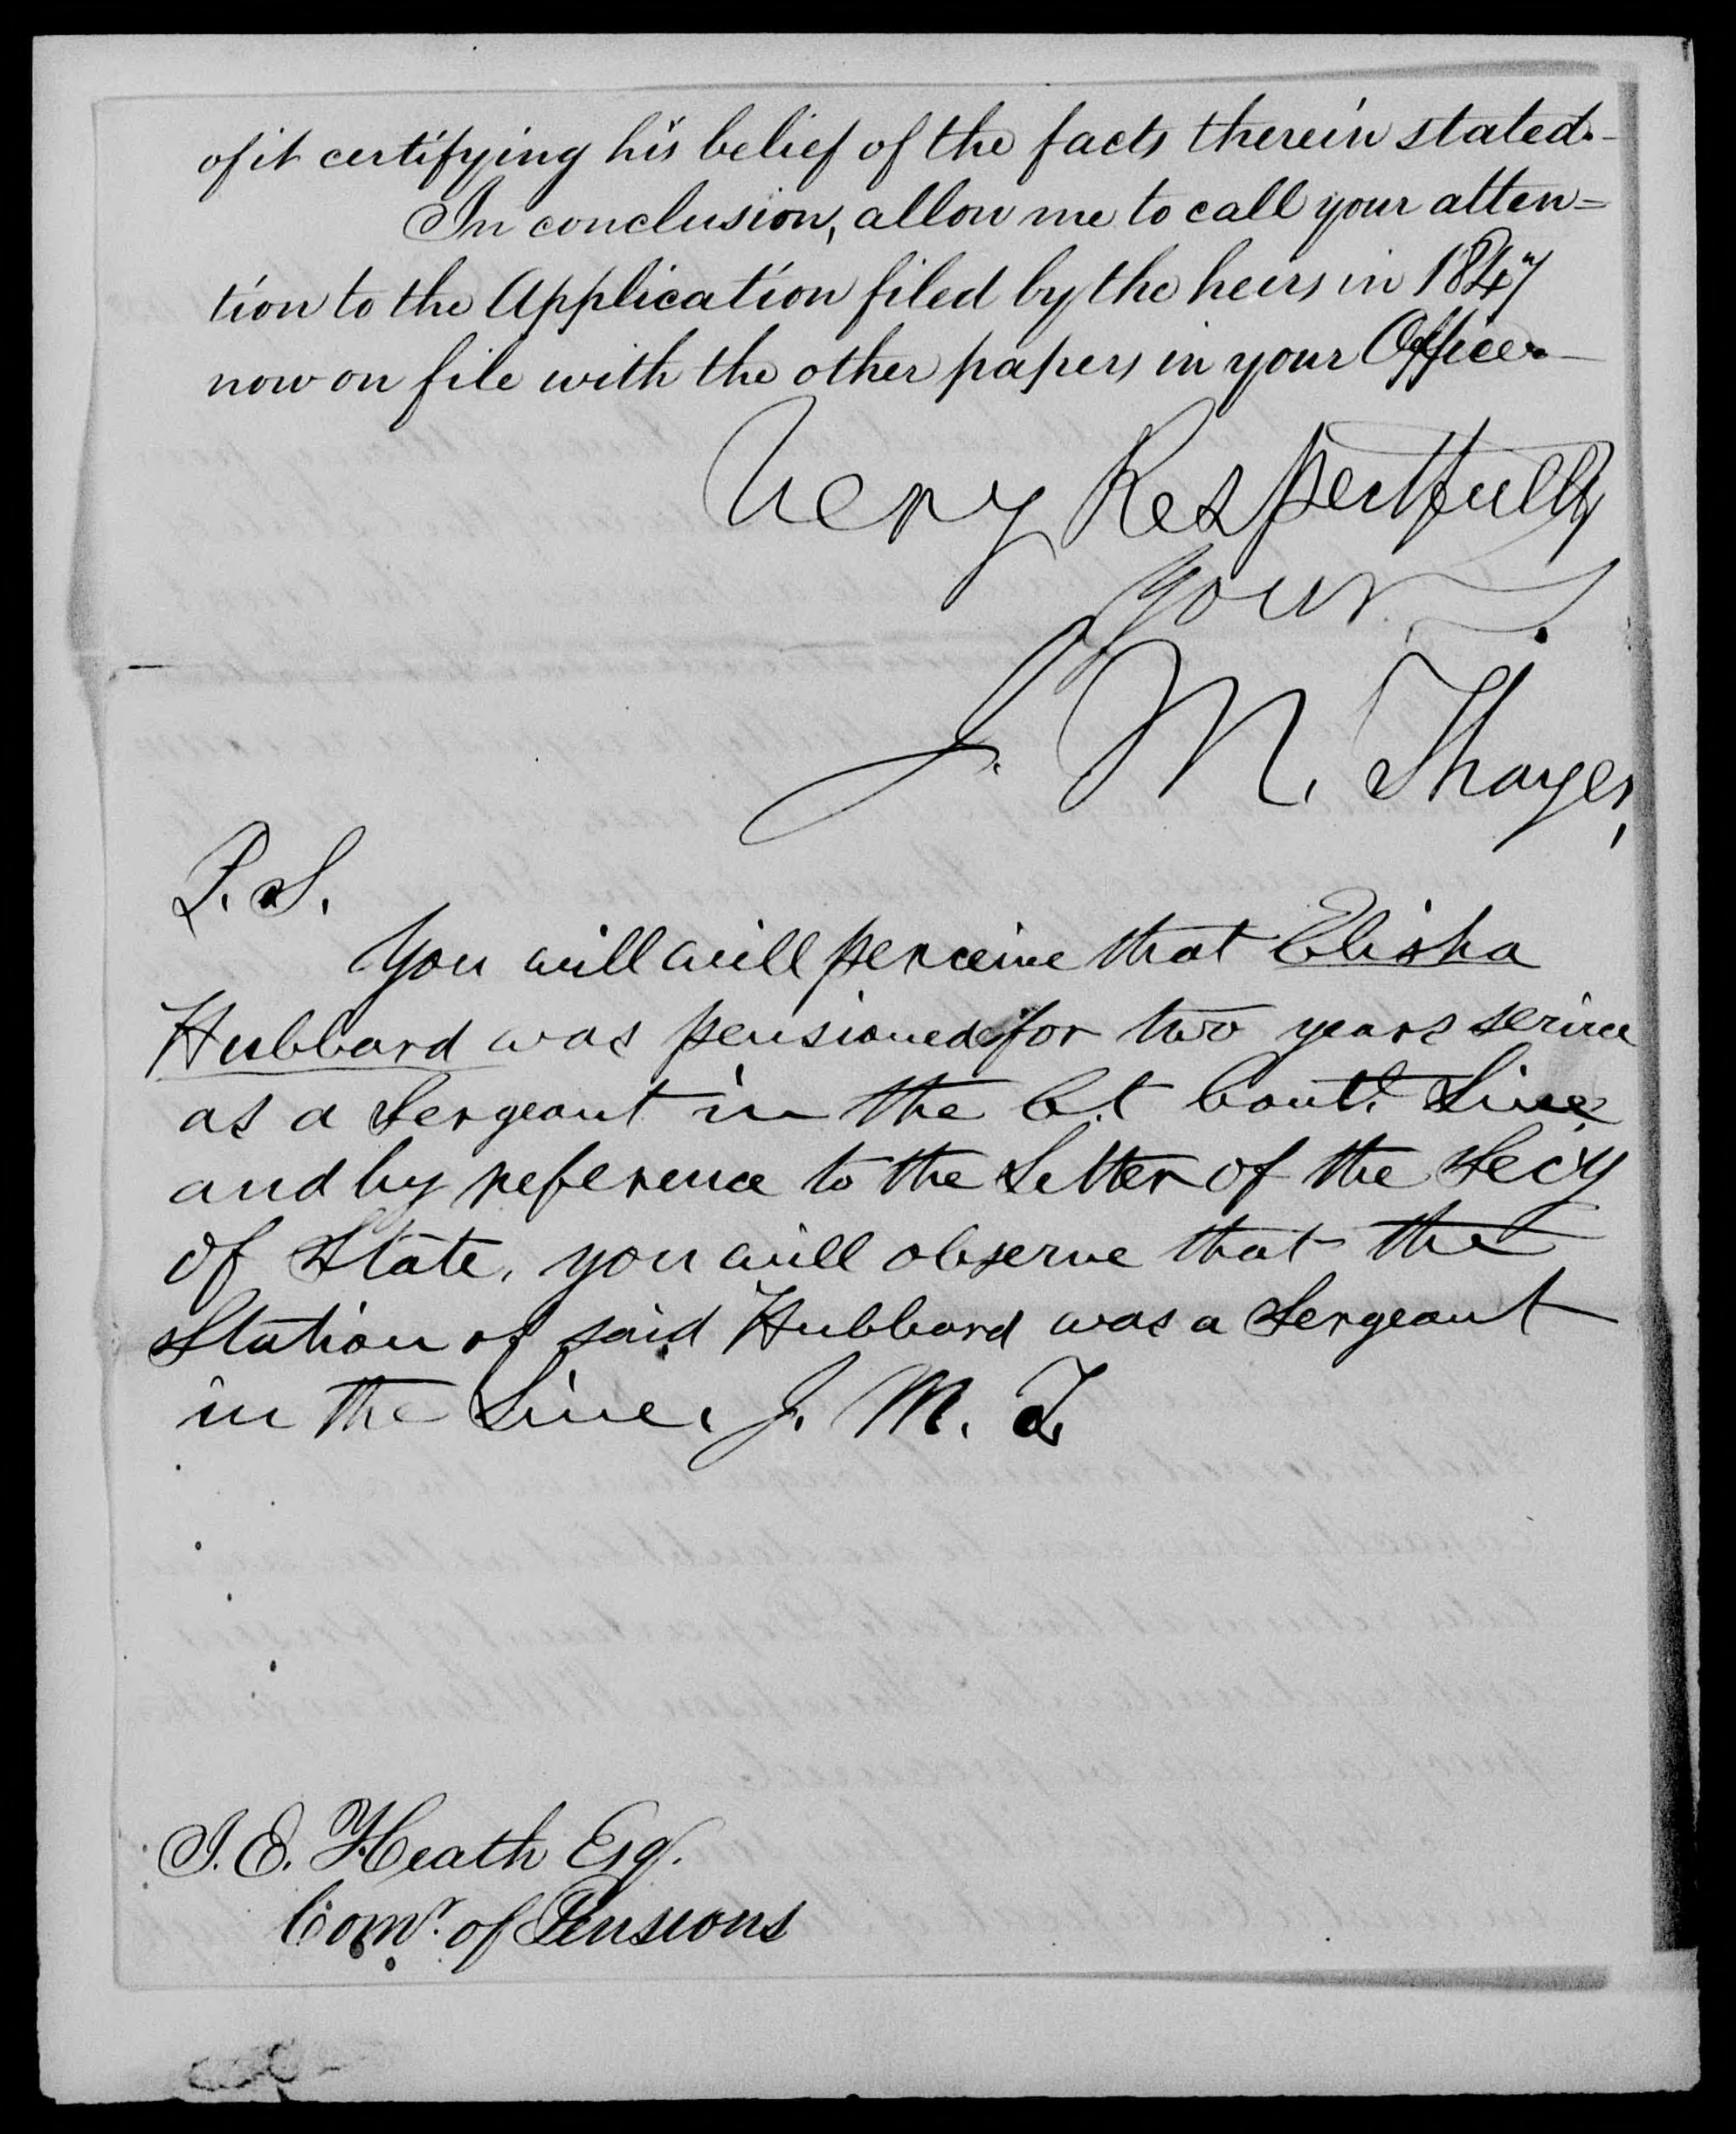of it certifying his belief of the facts therein stated - 

In conclusion, allow me to call your attention to the Application filed by the heirs in 1847 now on file with the other papers in your Office.

Very Respectfully
Your 
J.M.Thayer

P. S. 
You will will perceive tht Elisha Hubbard was pensioned for two years service as a Sergeant in the Ct Contl. Line and by reference to the Letter of the Secy of State, you will observe that the Station of Said Hubard was a Sergeant in the Line.  J. M. T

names: Elisha Hubbard, J M Thayer, J E Heath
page: 58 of 63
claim: survivor's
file: S. 18457, Elisha Hubbard, Conn. Continental